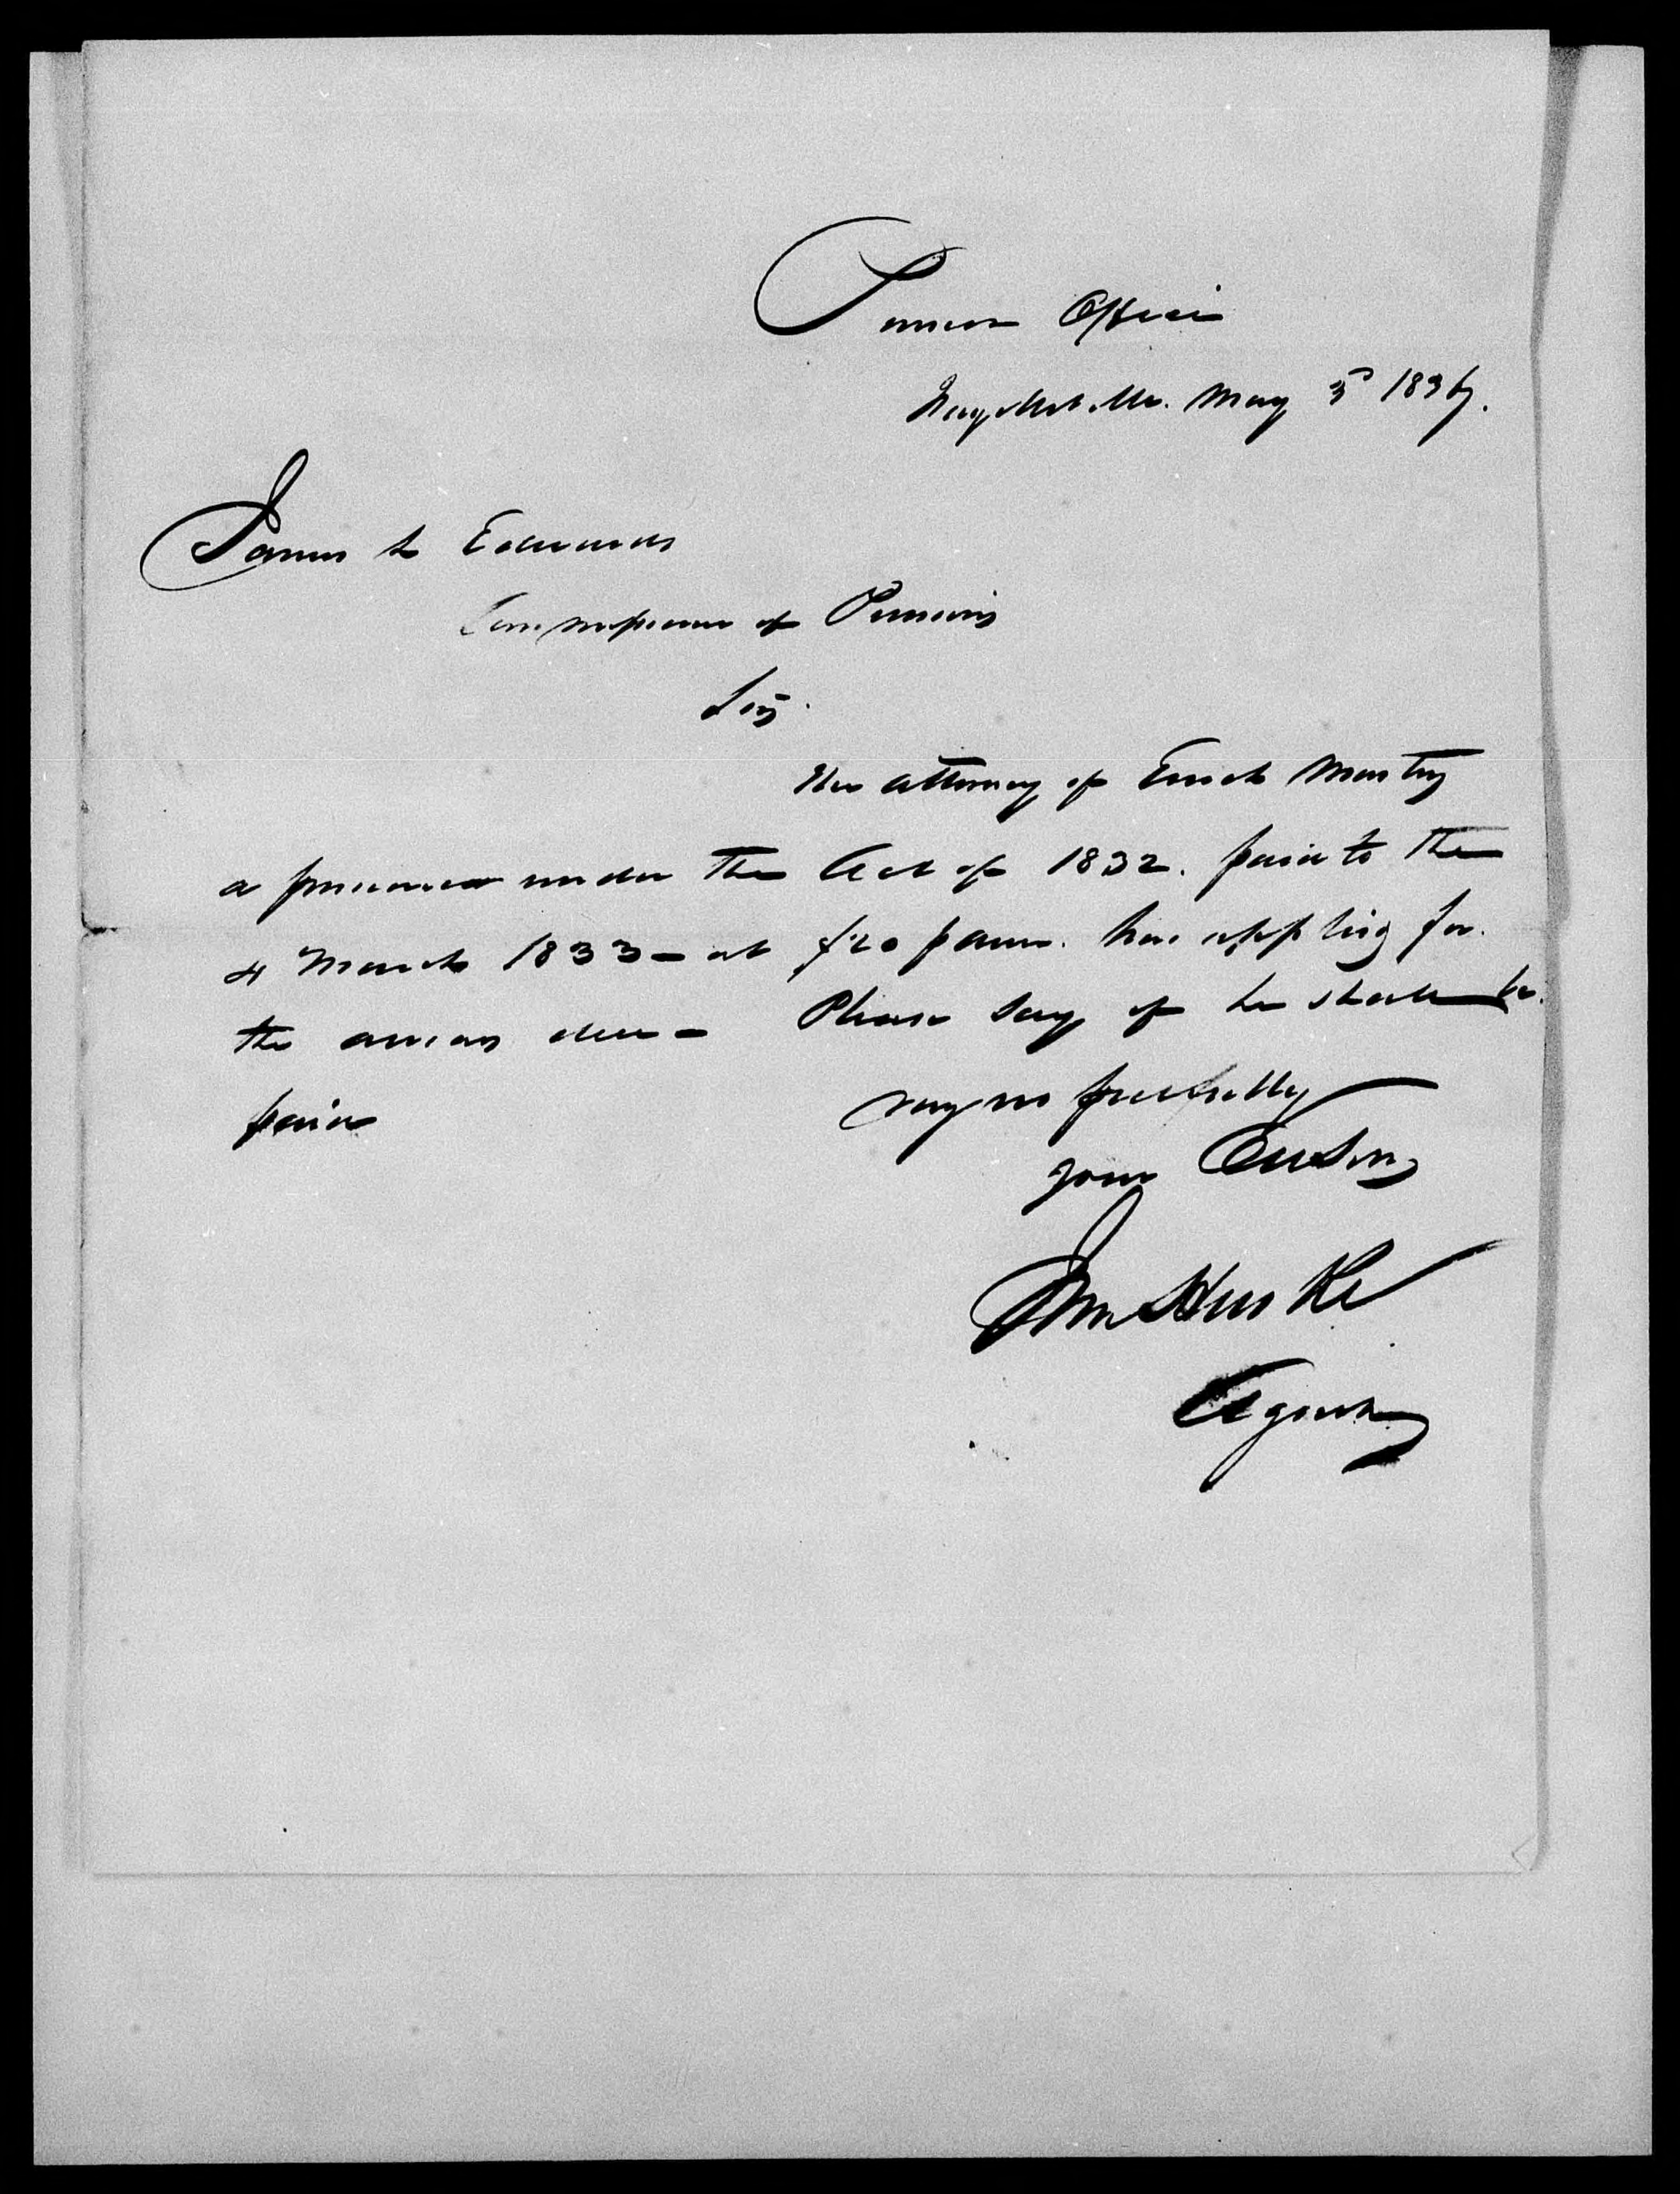Pension Office
Fayetteville May 3d 1836

James L. Edwards
Commissioner of Pensions

Sir.
The attorney of Enoch Masters a pensioner under the Act of 1832 [illegilbe] to the 4 March 1833__ at $20 p ann. He's applying for the [illegible] due.  Please say if he should be paid.

My [illegible] respectably
[illegible signature]
Jno Huske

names: Enoch Masters; James L Edwards; Jno Huske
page: 15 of 15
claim: survivor's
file: S. 2749, for Enoch Masters, North Carolina